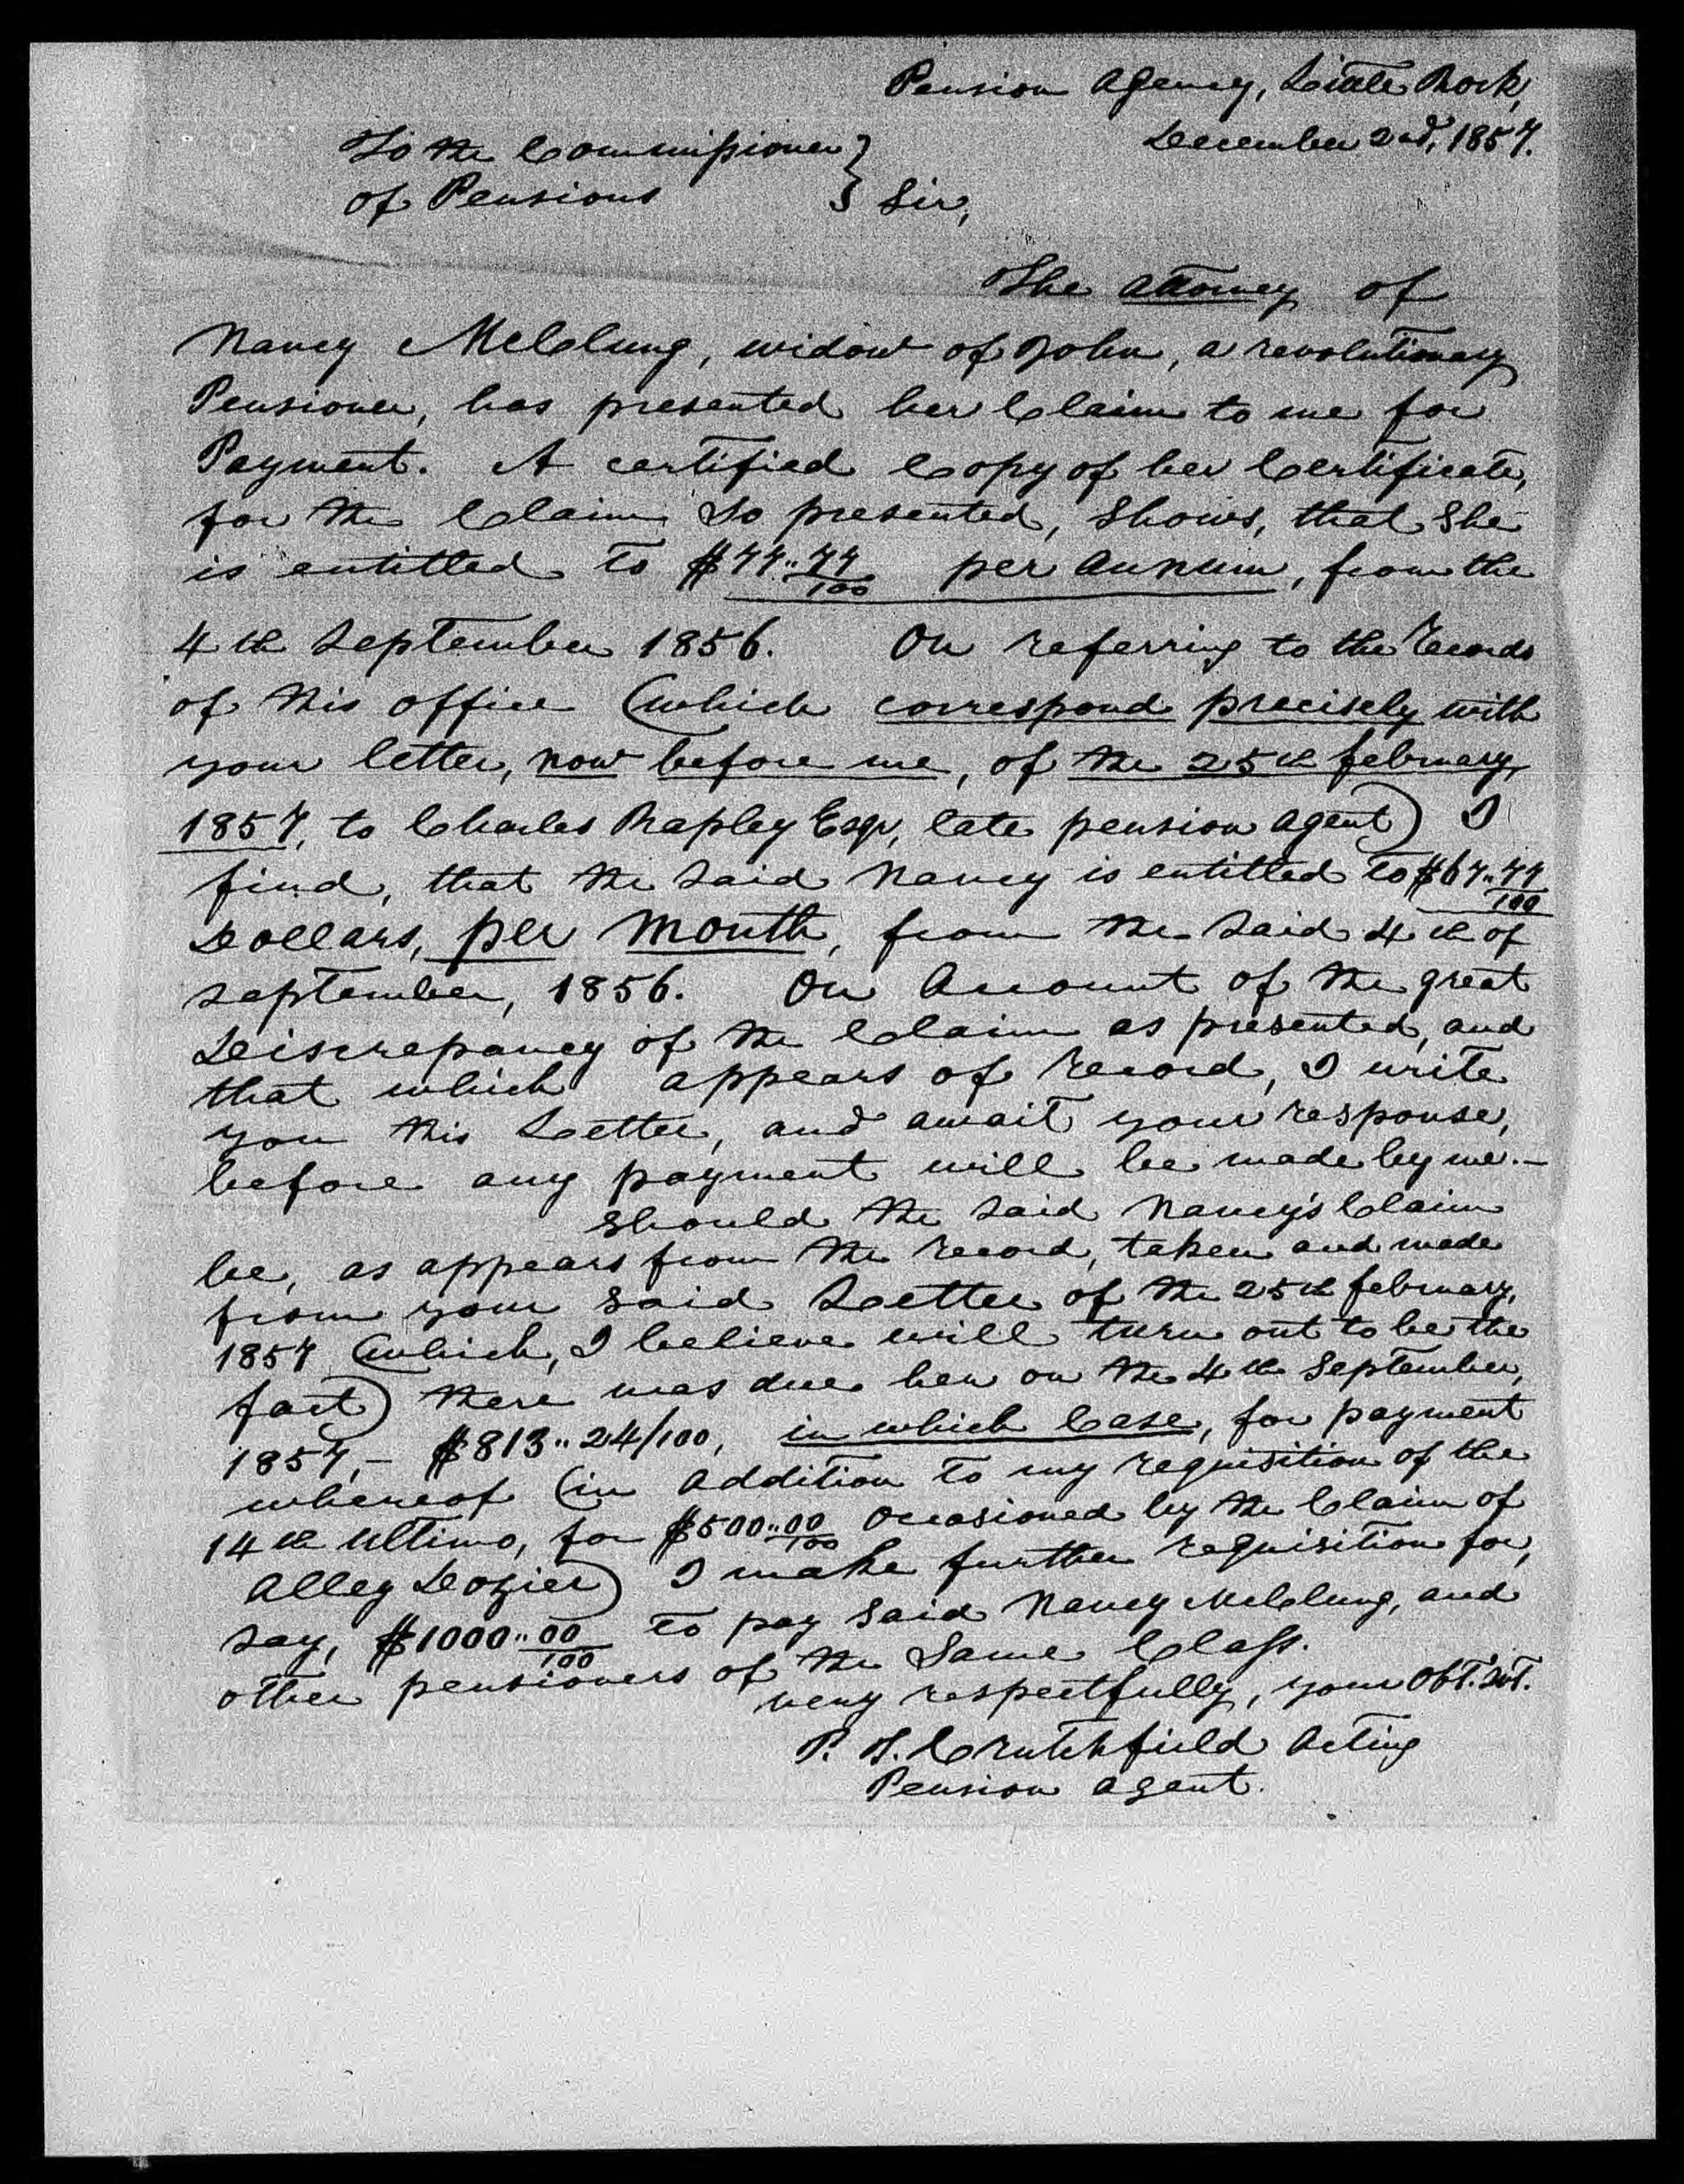Pension Agency, Little Rock,
December 2nd, 1857.

To the Commissioner of Pensions

Sir
the Attorney of
Nancy McClung, widow of John, a revolutionary Pensioner, has presented her claim to me for
payment. A certified copy of her Certificate, for the Claim so presented, shows, that she is entitled to $77.77 per annum, from the 4th September 1856. On referring to the Records of this office )which correspond precisely with your letter, now before me, of the 25th February 1857, to Charles Rapley Esqr late pension agent) I find that the said Nancy is entitled to $67.77 Dollars per month, from the said 4th of September, 1856. On account of the great discrepancy of the claim as presented, and
that which appears of record, I write you this letter, and await your response, before any payment will be made by me.

Should the said Navey's Claim be, as appears from the record taken and made from your said Letter of the 25th February, 1857 which, I believe will turn out to be the fact there was due her on the 4th September 1857, $813. 24/100, in which Case, for payment whereof (in addition to my requisition of the 14th ultimo, for $500.00 occasioned by the Claim of Alley Dozier) I make further requisition for
say, $1000.00 to pay said Nancy McClung, and the pensioners of the Same Class

Very respectfully, your obt. St.
P. H. Crutchfield acting
Pension Agent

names: Nancy Mc Clung; P H Crutchfield; Charles Mapley; John [BLANK]; Alley Dozier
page: 99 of 115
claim: widow's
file: W. 1446, for John Mc Clung, South Carolina